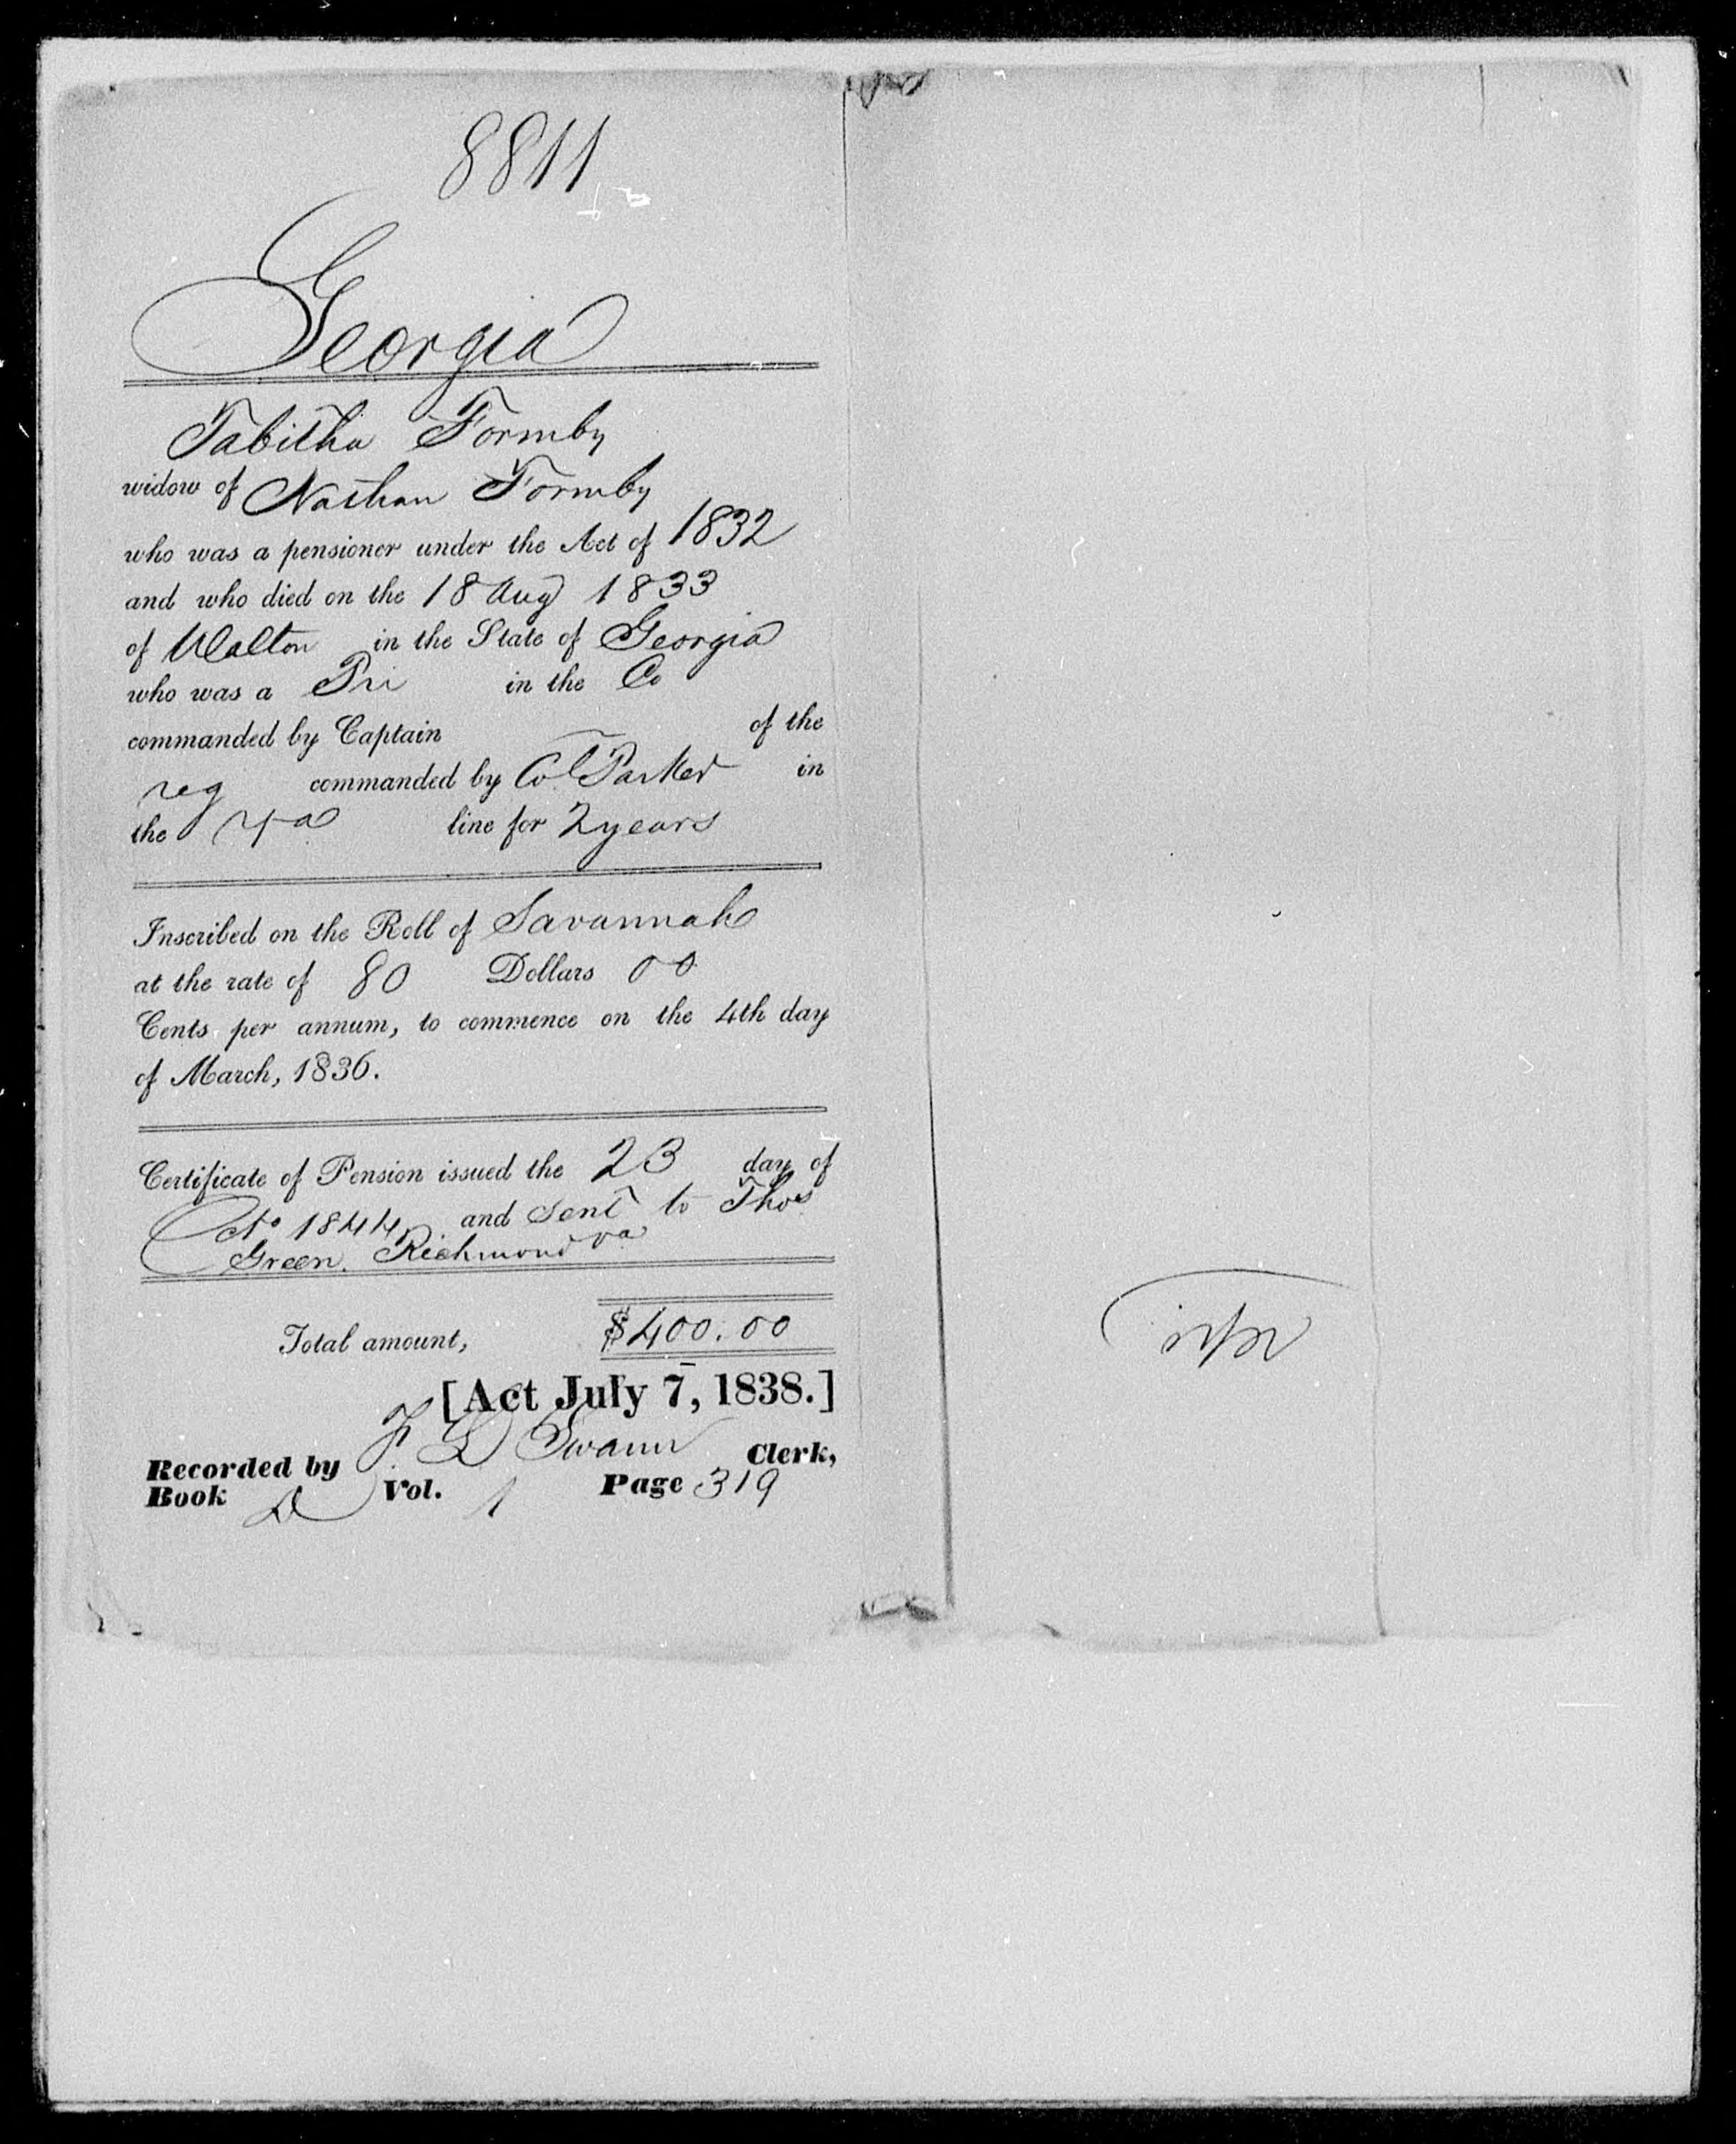8811
Georgia
Tabitha Formby
widow of Nathan Formby
who was a pensioner under the Act of 1832
and who died on the 18 Aug 1833
of (illegible) in the state of Georgia
who was a Pri  in the Co
commanded by Captain of the
reg commanded by Col.Parker in
the (illegible) line for 2 years

Inscribed on the Roll of Savannah
at the rate of 80 Dollars  00
Cents per annum, to commence on the 4th day
of March, 1836

Certificate of Pension issued the 23 day of
Oct 1844 and sen to Thos 
Green, Richmond

Total amount $400.00
Act July 7, 1838
Recorded by FD Swann.    Clerk,
Book D. Vol A. Page 319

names: Nathan Formby, Parker, Tabitha Formby, F L Swaim, Thos Green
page: 45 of 54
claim: widow's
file: W. 3794, Nathan Formby, Va.